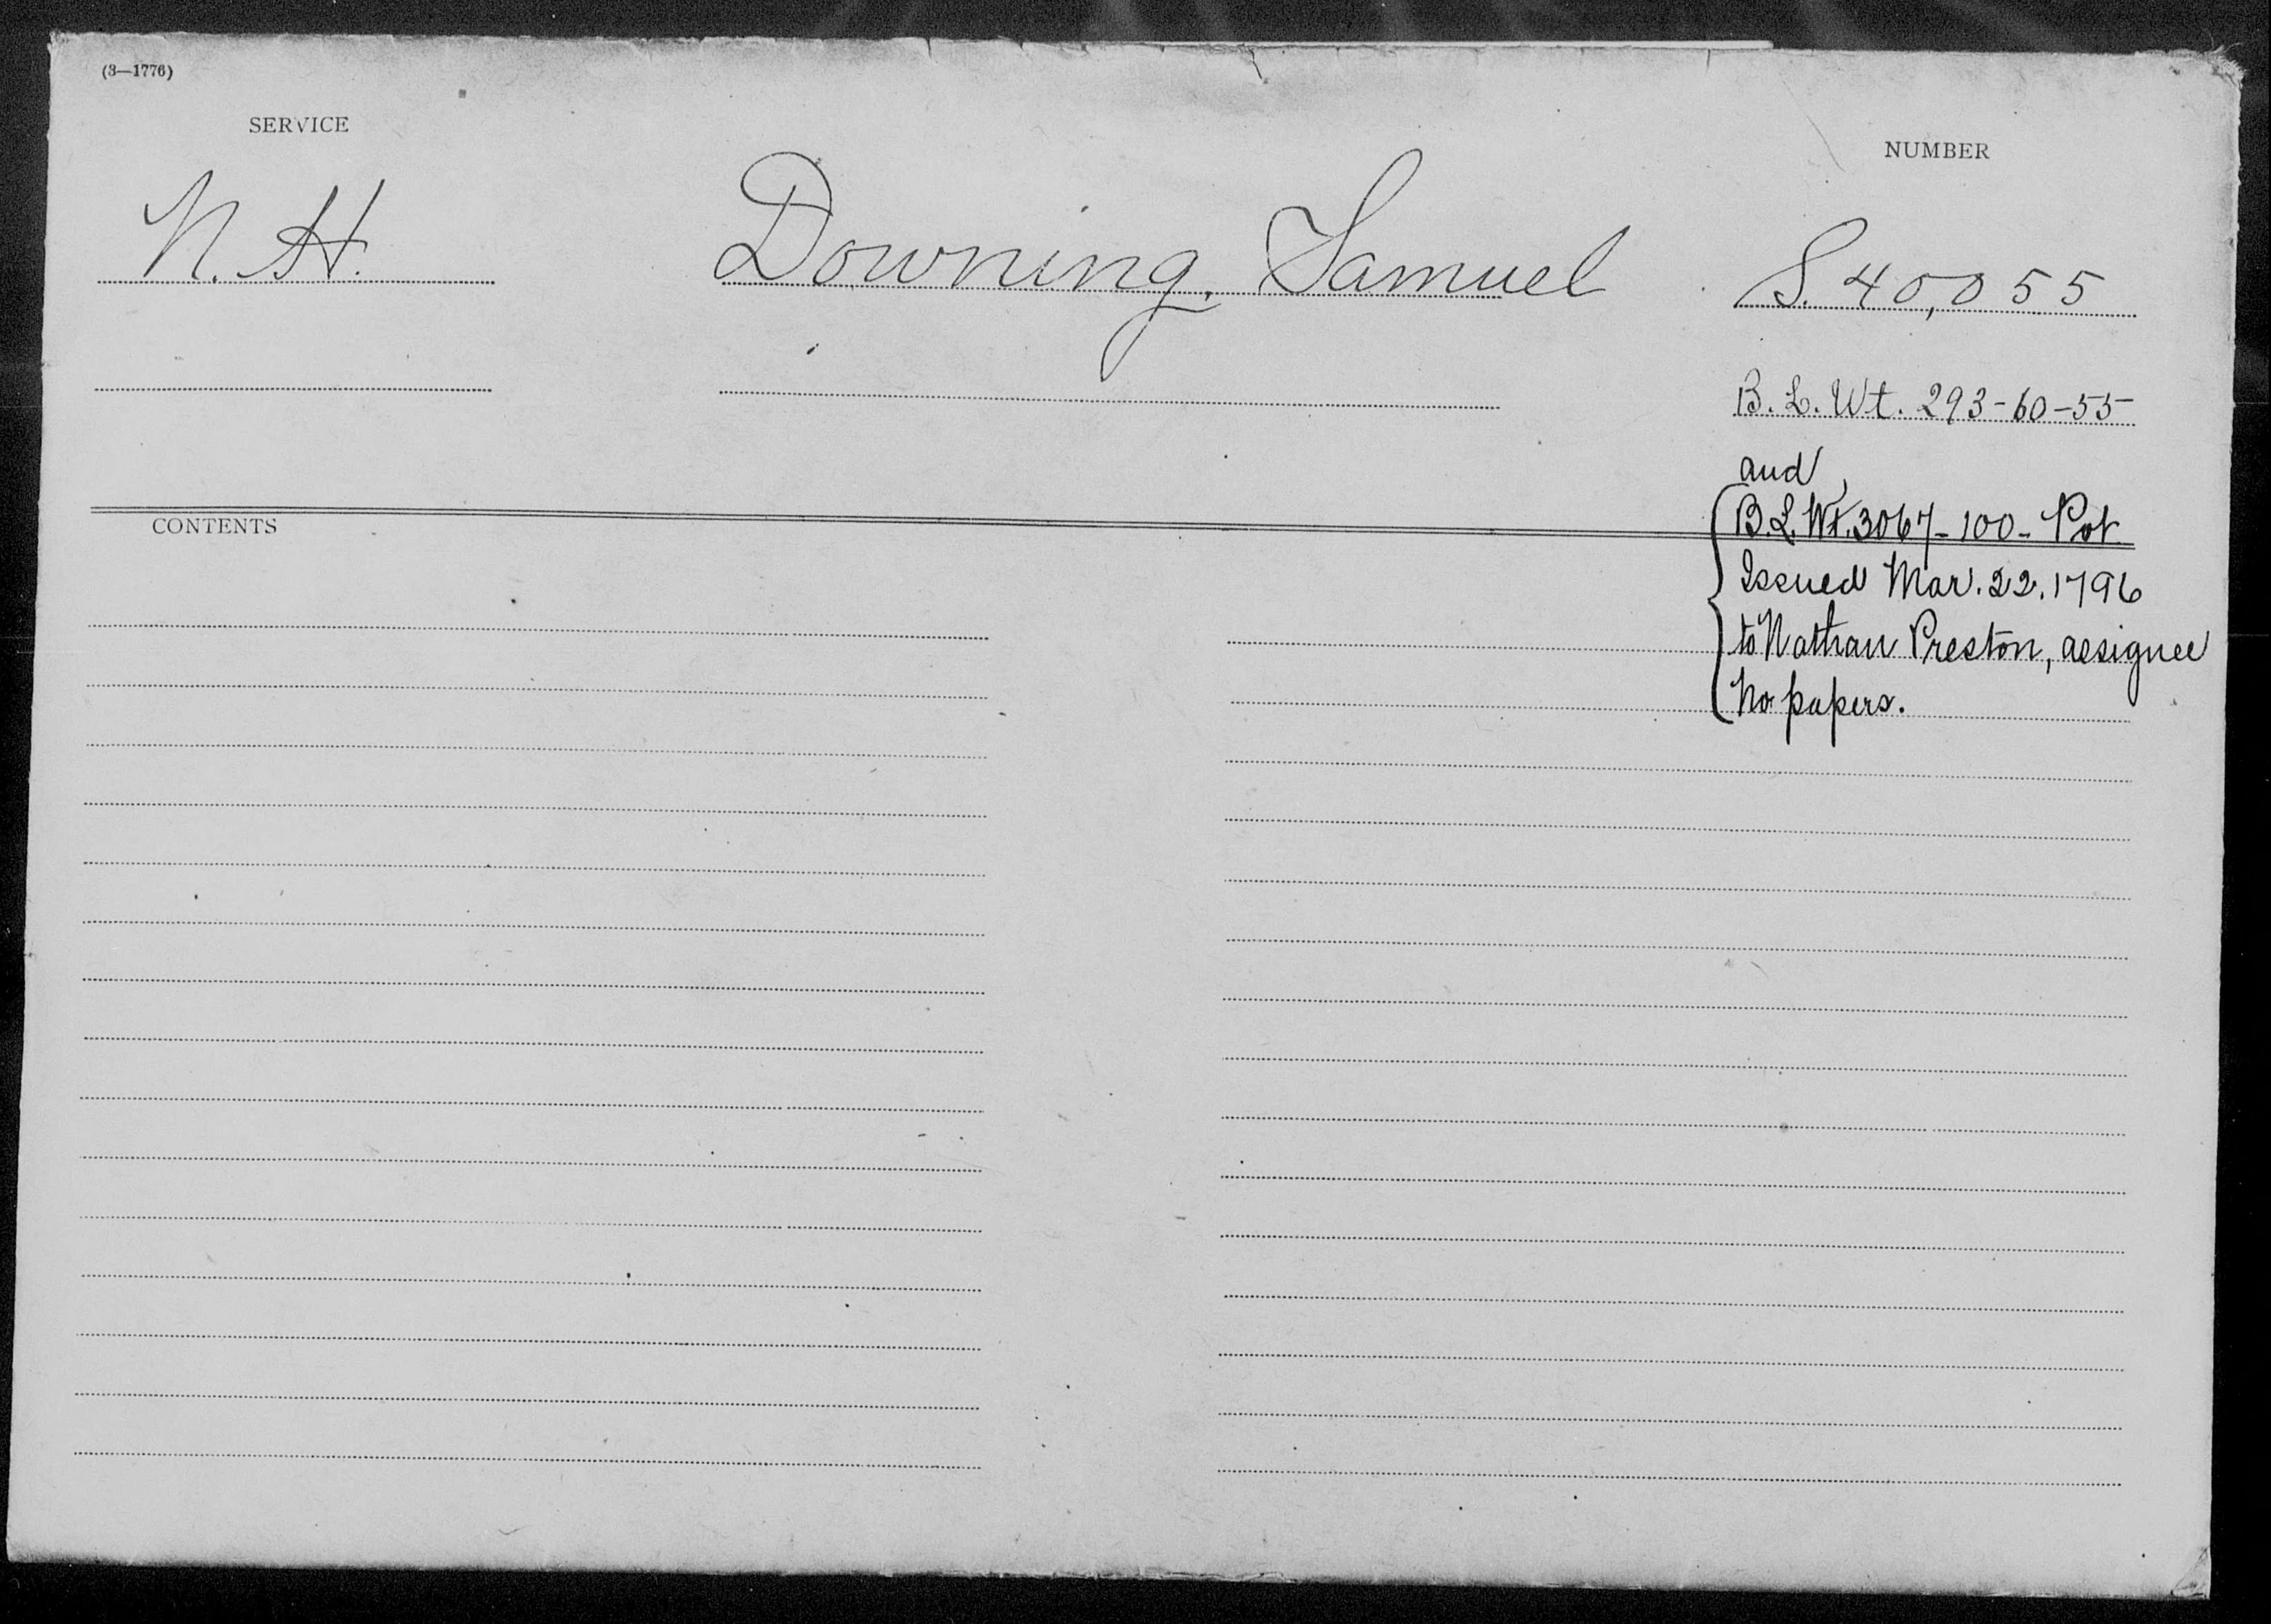SERVICE
N.H. 

Downing, Samuel

NUMBER
S 40,055

B.L. Wt. 293-60-55
and BL Wt. 3064-100-pot
Issued Mar. 22,1796 to Nathan Preston, assignee no papers.

CONTENTS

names: Nathan Preston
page: 1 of 56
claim: survivor's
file: S. 40,055, Samuel Downing, N.H.